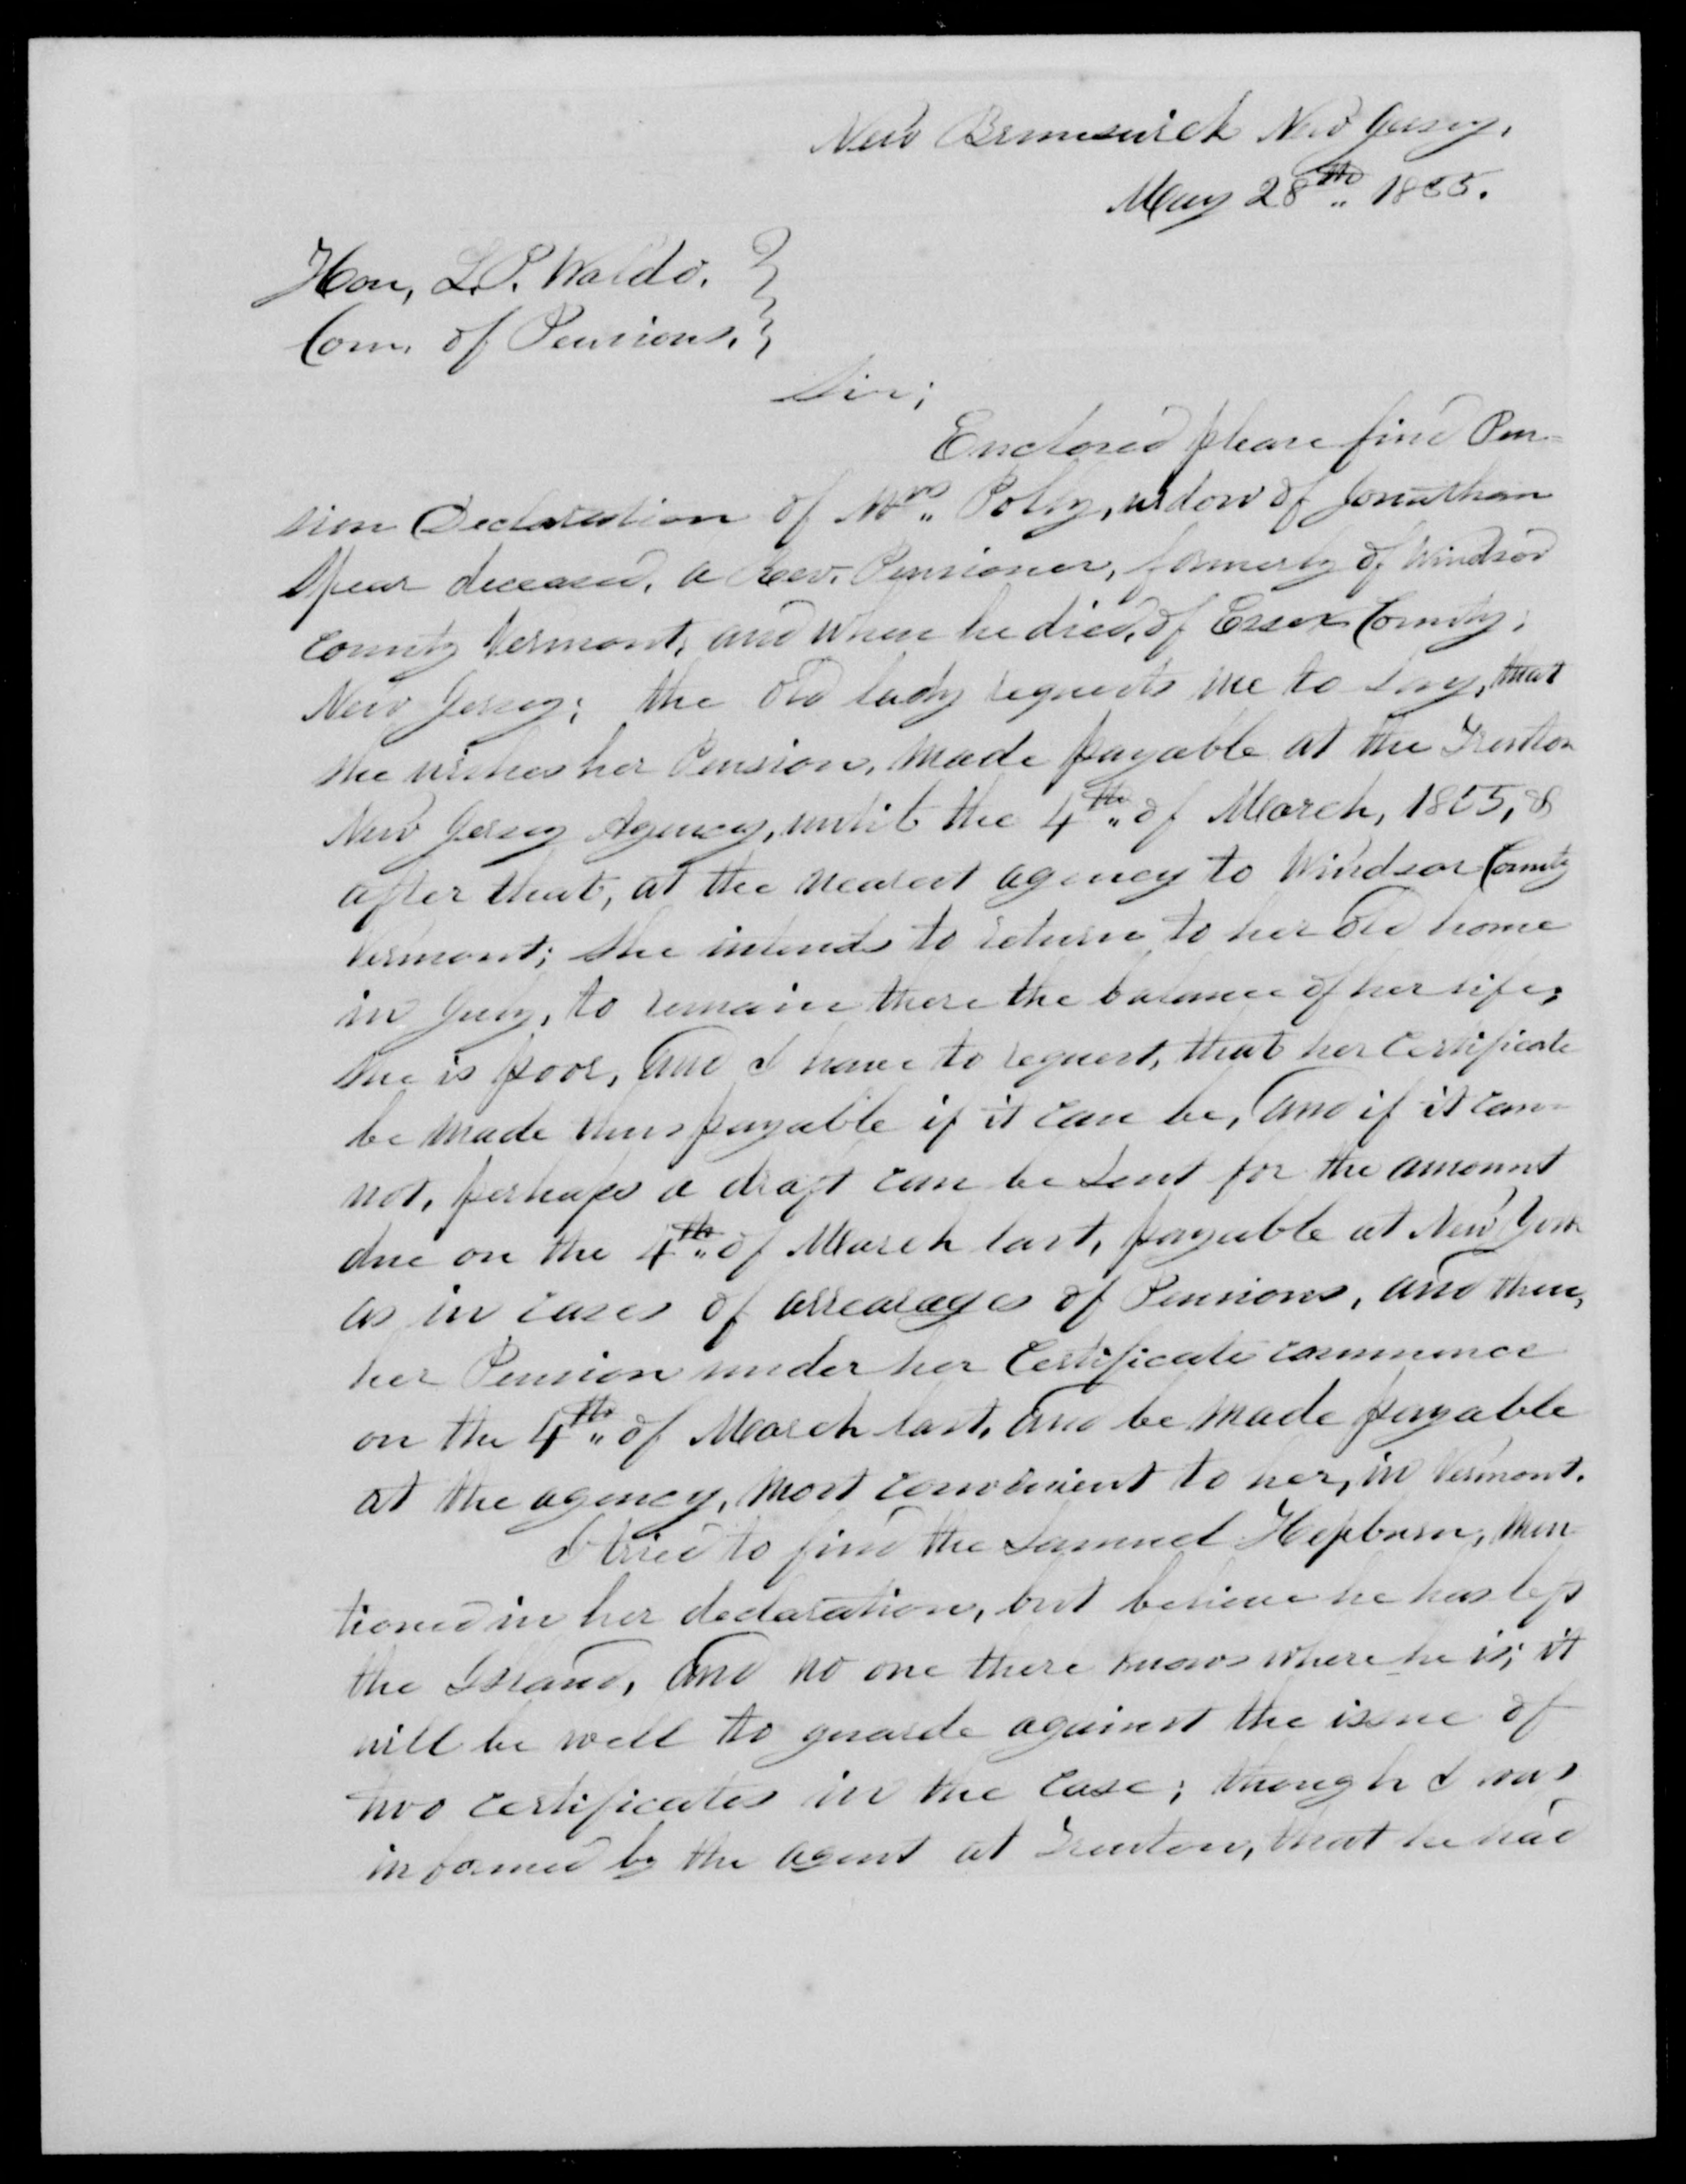New Brunswick New Jersey,
May 28th 1855.
Hon. L.P. Waldo
Com. of Pensions
Sir
Enclosed please find pension
Declaration of Mr Polly, widow of Jonathan
Spear deceased, a Rev. Pensioner, formerly of Windsor
County Vermont, and where he died of Essex County,
New Jersey; the old lady requests me to say, that the
wishes her pension, made payable at the Trenton
New Jersey Agency, until the 4th of March, 1855, &
after that, at the nearest Agency to Windsor County
Vermont; she intends to [ ] to her and home in
July, to remain there the balance of her life
she is poor, and I have to request, that her certificate
be made there payable if it can be, and if it can
not, perhaps a draft can be sent for the amount
due on the 4th of March last, payable at New York
as in case of [ ] of Pensions, and there,
her pension under her certificate commence
on the 4th of March last, and be made payable
at the agency, most convenient to her, in Vermont.
I tried to find the Samuel Hepburn, mentioned in her declaration, but believe he has left
the Island, and no one there knows where he is it
will be well to guard against the issue of
two certificates in the case; though I was
informed by the Agent at Trenton, that he had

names: L P Waldo; Polly Spear; Samuel Hepburn; Jonathan Spear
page: 47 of 65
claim: widow's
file: W. 7197, for Jonathan Spear, Vermont